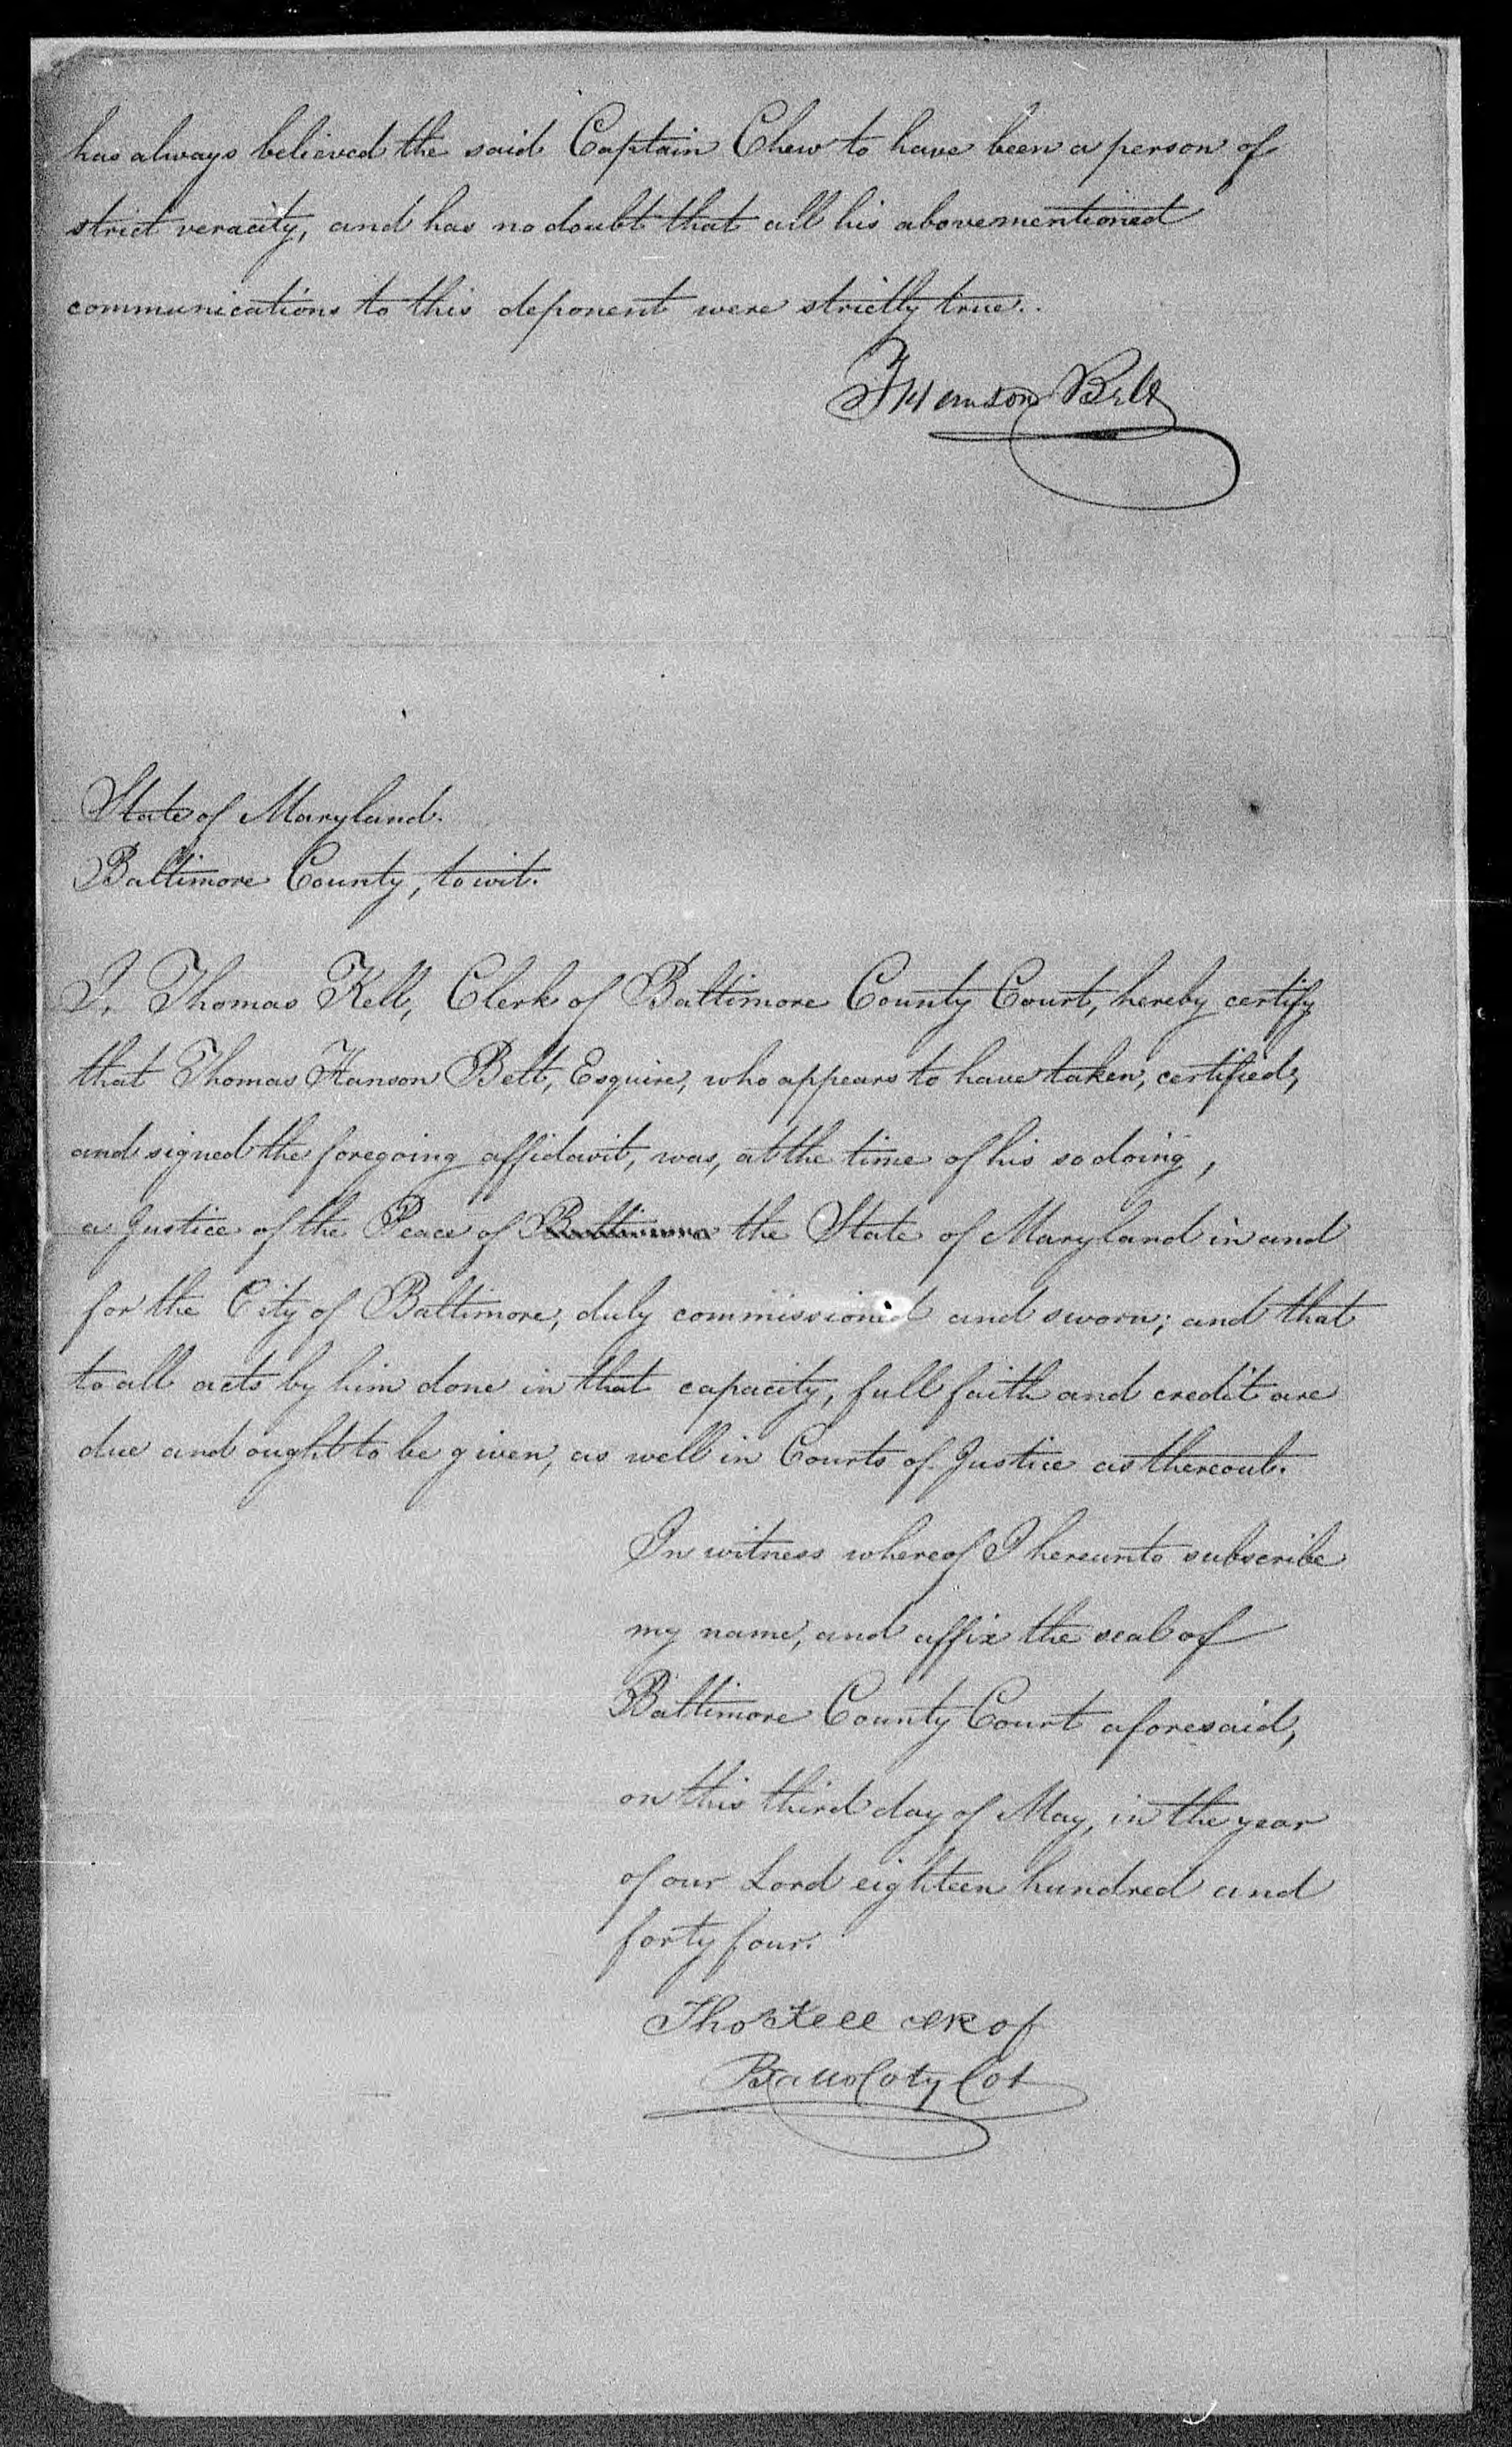has always believed the said Captain Chew to have been a person of
strict veracity, and has no doubt that all his abovementioned
communications to this deponent were strictly true.

Thos. Hanson Bett

State of Maryland
Baltimore County, to wit:

I, Thomas Kell, Clerk of Baltimore County Court, hereby certify
that Thomas Hanson Bett, Esquire, who appears to have taken, certified,
and signed the foregoing affidavit, was, at the time of his so doing,
a Justice of the Peace of [Baltimore--struck out] the State of Maryland in and
for the City of Baltimore, duly commissioned and sworn; and that
to all acts by him done in that capacity, full faith and credit are
due and ought to be given, as well in Courts of Justice as thereout.

In witness whereof I hereunto subscribe
my name and affix the seal of
Baltimore County Court aforesaid,
on this third day of May, in the year
of our Lord eighteen hundred and
forty four.

Thos Kell Clk of
Balto Coty Cot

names: Chew, Thos Kell, F Hanson, Thomas Hanson, Thomas Kell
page: 58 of 59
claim: widow's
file: W. 9383, Nathaniel Chew, Navy (Md.)